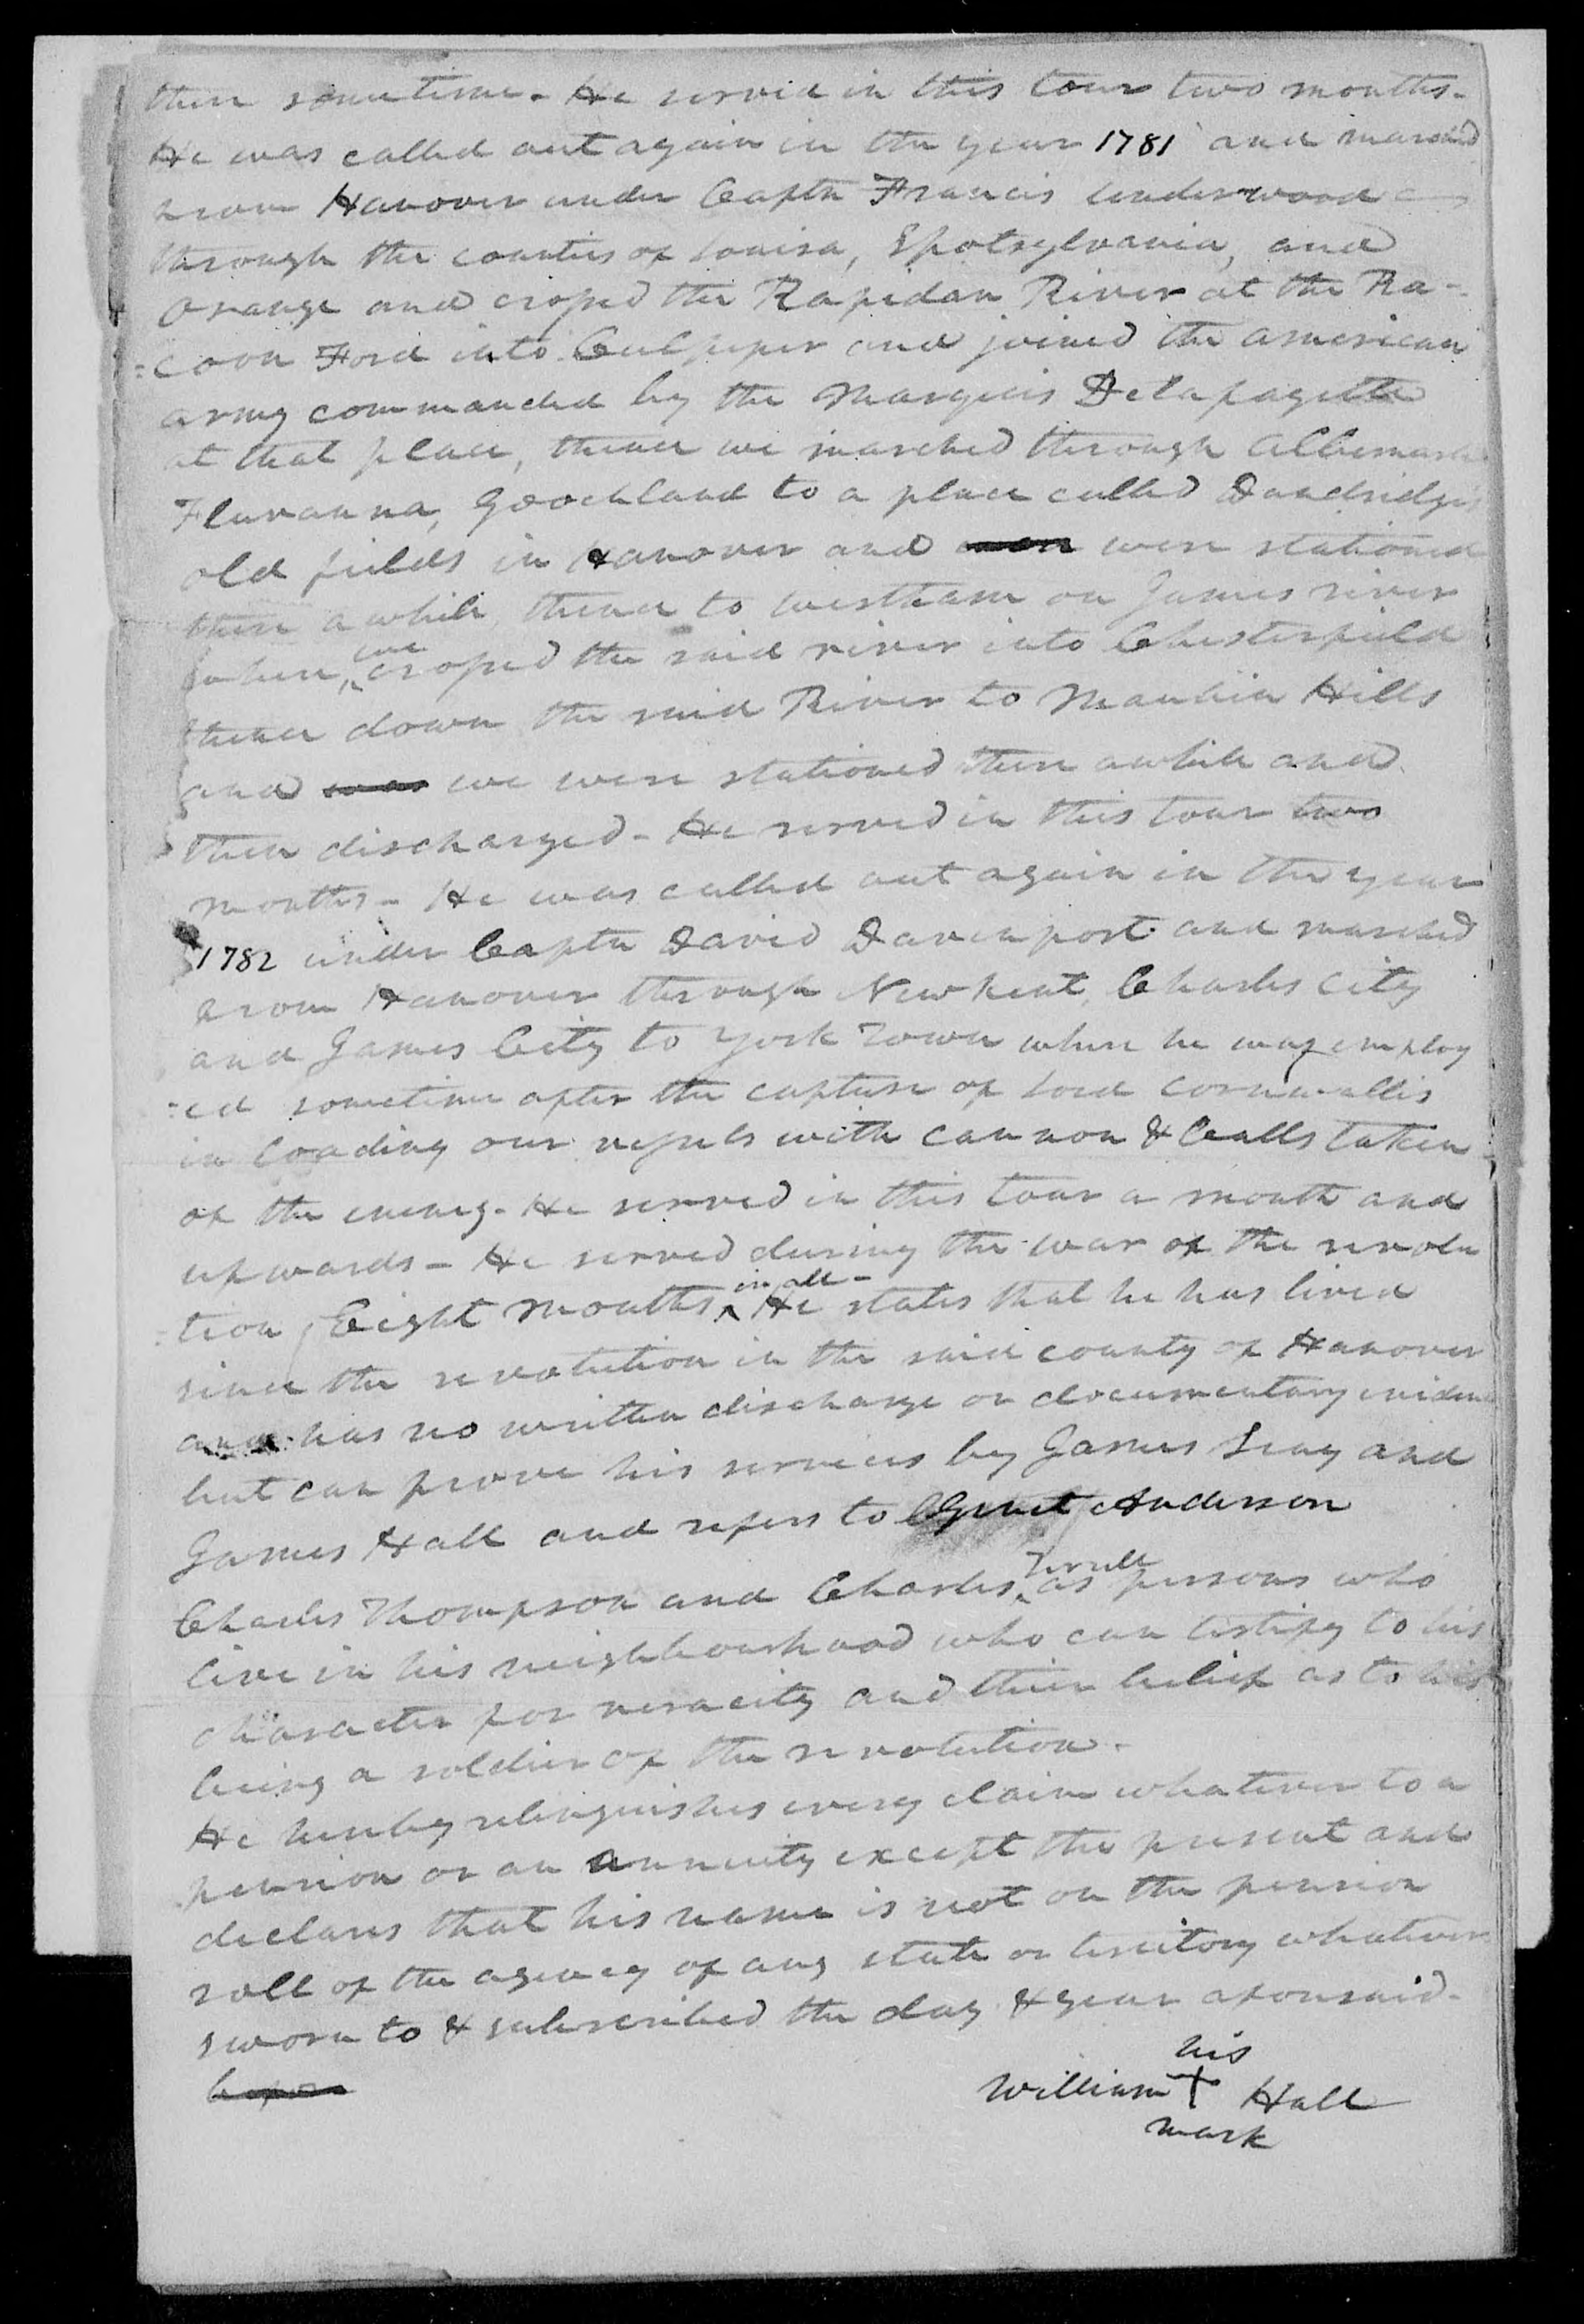there some time. He served in this tour two months He was called out again in the year 1781 and marched from Hanover under Capt Francis Underwood through the counties of Louisa, Spotsylvania and Orange and crossed the Rapidan River at the Racoon Ford into Culpeper and joined the American army commanded by the Marquis De Lafayette at that place, thence we marched through Albemarle, Fluvanna, Goochland to a place called Dandridge old fields in Hanover and were stationed there a while, thence to Westham on James river when we crossed the said river into Chesterfield thence down the said River to Maubin [Malvin] Hills and we were stationed there a while and then discharged. He served in this tour two months. He was called out again in the year 1782 under Capt David Davenport and marched from Hanover through New Kent, Charles City and James City to York Town where he was employed sometime after the capture of Lord Cornwallis in loading our vessels with cannon & balls taken of the enemy. He served in this tour a month and upwards. He served during the war of the revolution Eight months in all He states that he has lived since the revolution in the said County of Hanover and has no written discharge or documentary evidence but can prove his services by James Gray and James Hall and refers to Gener Anderson Charles Thompson and Charles Terrell as persons who live in his neighbourhood who can testify to his character for veracity and their belief as to being a soldier of the revolution
He hereby relinquishes every claim whatever to a pension or an annuity except the present and
declares that his name is not on the pension roll of the agency of any state or territory whatever
sworn to & subscribed the day & year aforesaid
William Hall
X
his mark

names: Cornwallis, William Hall, Charles Terrell, Gerret Anderson, Francis Underwood, James Seay, Charles Thompson, David Davenport, James Hall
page: 4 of 15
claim: survivor's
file: S. 5475, William Hall, Va.